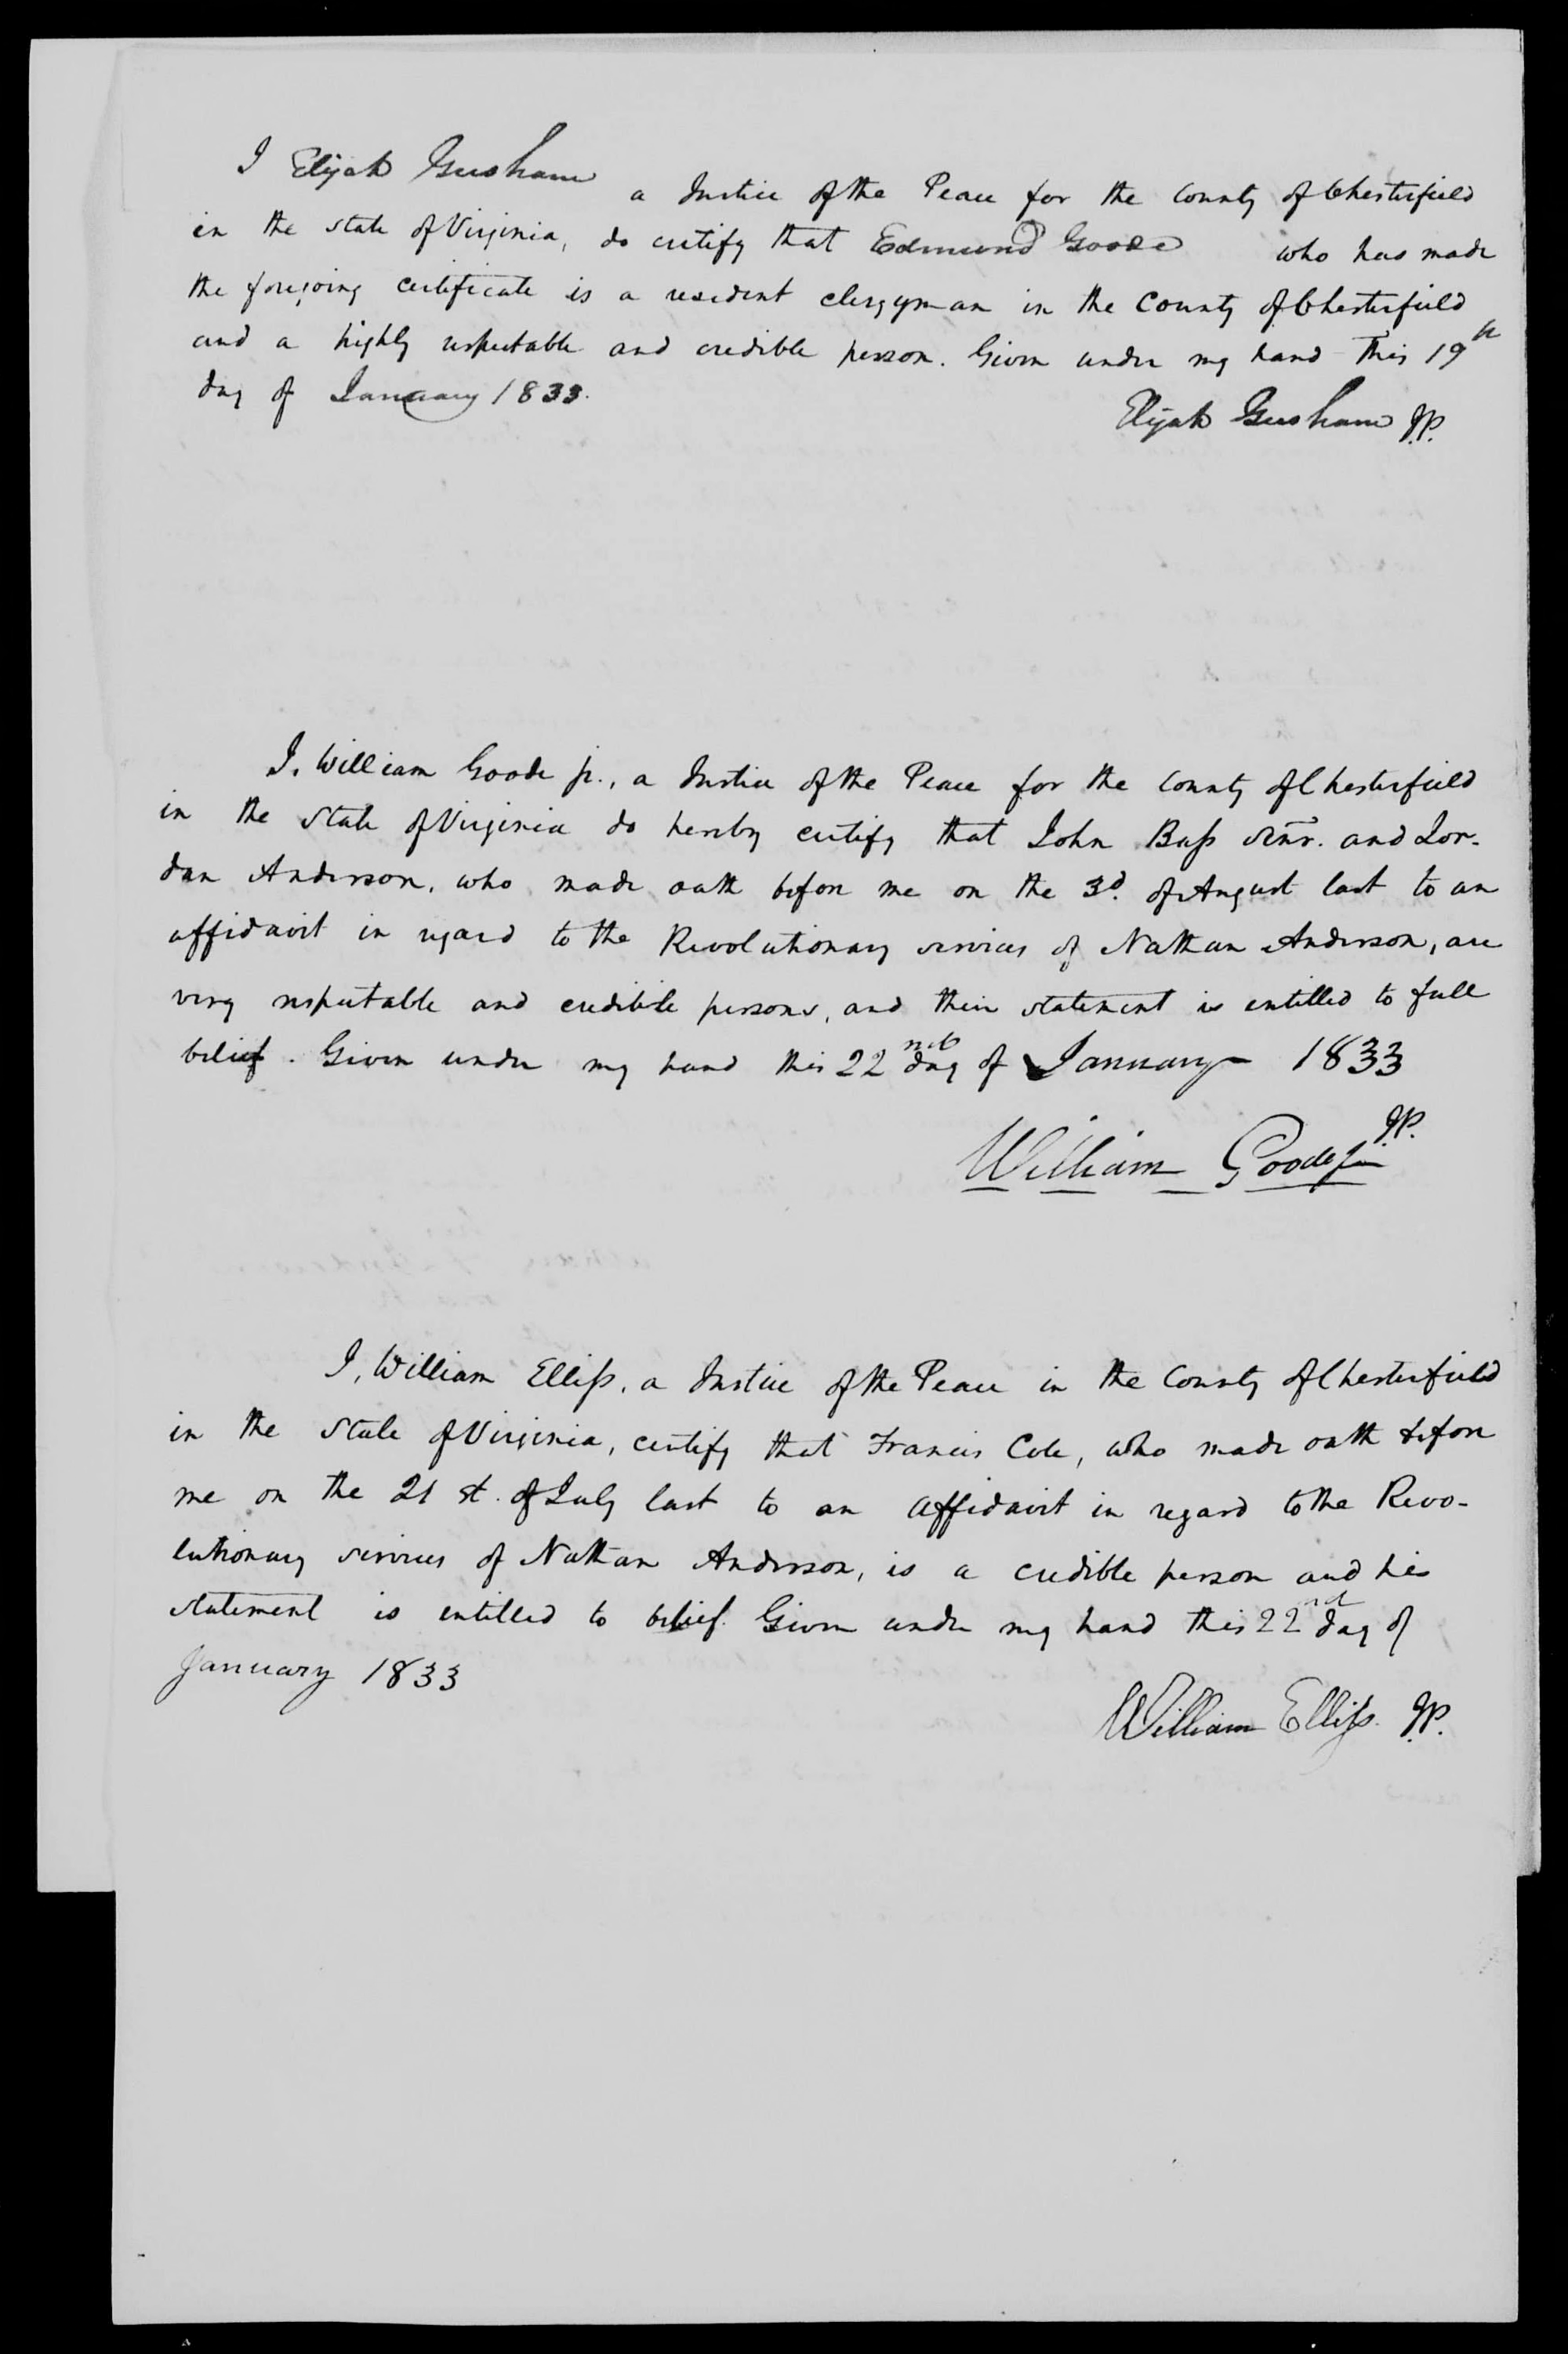I Elijah Gresham a Justice of the Peace for the County of Chesterfield in the State of Virginia, do certify that Edmund Goode who has made the foregoing certificate is a resident clergyman in the County of Chesterfield and a highly respectable and credible person. Given under my hand this 19th day of January 1833. 
Elijah Gresham J.P.

I, William Goode Jr., a Justice of the Peace for the County of Chesterfield in the State of Virginia do hereby certify that John Bass Senr. and Jordan Anderson, who made oath before me on the 3d. of August last to an affidavit in regard to the Revolutionary services of Nathan Anderson, are very reputable and credible persons, and their statement is entitled to full belief. Given under my hand this 22nd day of January 1833
William Goode Jr J.P.

I, William Elliss, a Justice of the Peace in the County of Chesterfield in the State of Virginia, certify that Francis Cole, who made oath before me on the 21st. of July last to an Affidavit in regard to the Revolutionary services of Nathan Anderson, is a credible person and his statement is entitled to belief. Given under my hand this 22nd day of January 1833
William Elliss J.P.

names: William Elliss, Jordan Anderson, William Goode, William Goode, Nathan Anderson, Elijah Gresham, William Elliss, Elijah Gresham, Francis Cole, John Bass, Nathan Anderson, Edmund Goode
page: 9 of 43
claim: widow's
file: W. 5,626, Nathan Anderson, Va.